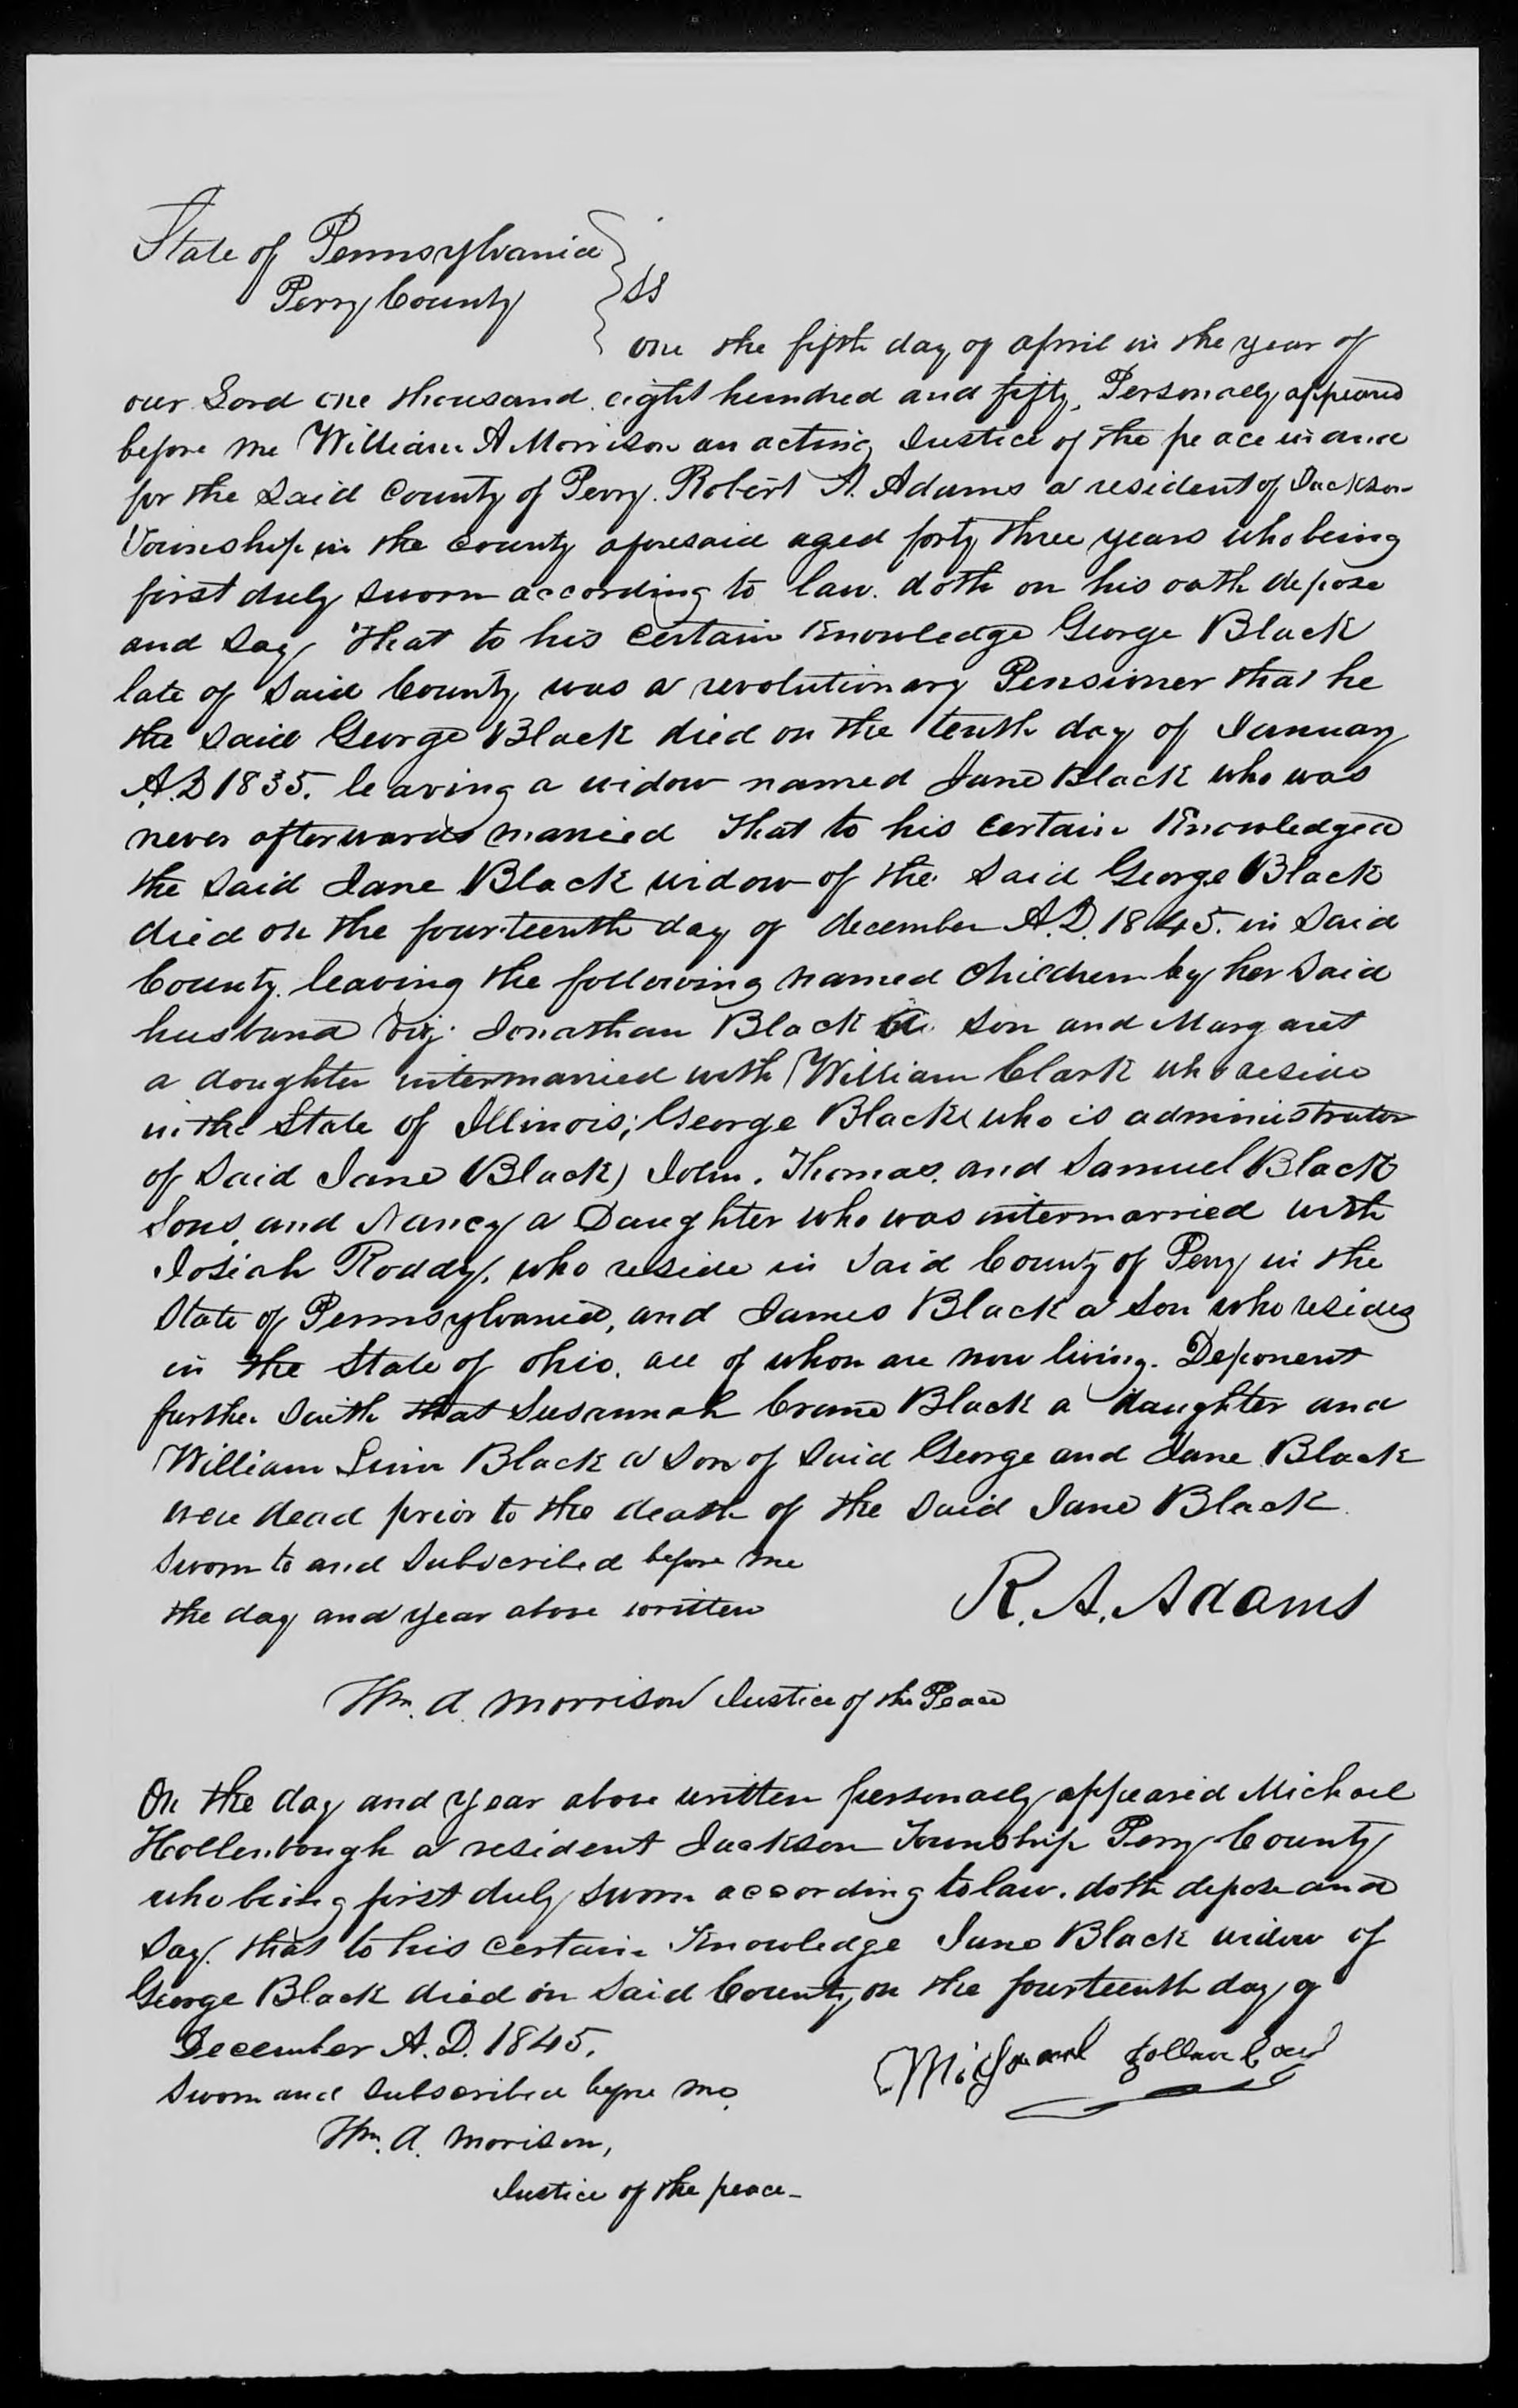State of Pennsylvania
Perry County                          SS

On the fifth day of April in the year of our Lord one thousand eight hundred and fifty.  Personally appeared before me William A Morrison an acting Justice of the peace in [illegible]
for the said county of Perry.  Robert A. Adams a resident of Jackson [illegible] in the county aforesaid aged forty three years who being first duly sworn according to law. doth on his oath depose and say that to his certain knowledge George Black late of said county was a revolutionary Pensioner that he the said George Black died on the tenth day of January AD 1835. leaving a widow named Jane Black who was never afterwards married That to his certain knowledge the said Jane Black widow of the said George Black died on the fourteenth day of december AD 1845 in said County leaving the following named children by her said husband [illegible] Jonathan Black a son and Margaret a daughter intermarried with William Clark who resides in the State of Illinois; George Black who is administrator of said Jane Black) John. Thomas and Samuel Black sons and Nancy a daughter who was intermarried with Josiah Roddy, who resides in said County of Perry in the State of Pennsylvania and James Black a Son who resides in the State of Ohio all of whom are now living.  Deponent further saith that Susannah Crane Black a daughter and William Linn Black a son of said George and Jane Black are dead prior to the death of the said Jane Black
Sworn to and Subscribed before me
the day and year above written
R. A. Adams
Wm. A. Morrison Justice of the Peace
On the day and year above written personally appeared Michael Hollenbaugh a resident Jackson Township Perry County who being first duly sworn according to law. doth depose and say that to his certain knowledge Jane Black widow of George Black died on said County on the fourteenth day of December A.D. 1845.
Sworn and Subscribed before me
Wm. A. Morrison,
Justice of the peace.

Michael Hollenbaugh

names: R A Adams, Jane Black, William Levin Black, Jane Black, George Black, Jane Black, Robert A Adams, George Black, Nancy, Wm A Morrison, John Thomas, George Black, James Black, William Clark, Susannah Crane Black, George Black, Josiah Roddy, Samuel Gollner, Jane Black, Jane Black, Samuel Black, George Black, Michael Hollenbough, William A Morrison, George Black, Wm A Morison, Jonathan Black, Jane Black, Margaret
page: 27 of 30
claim: widow's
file: W. 3211, George Black, Penn.